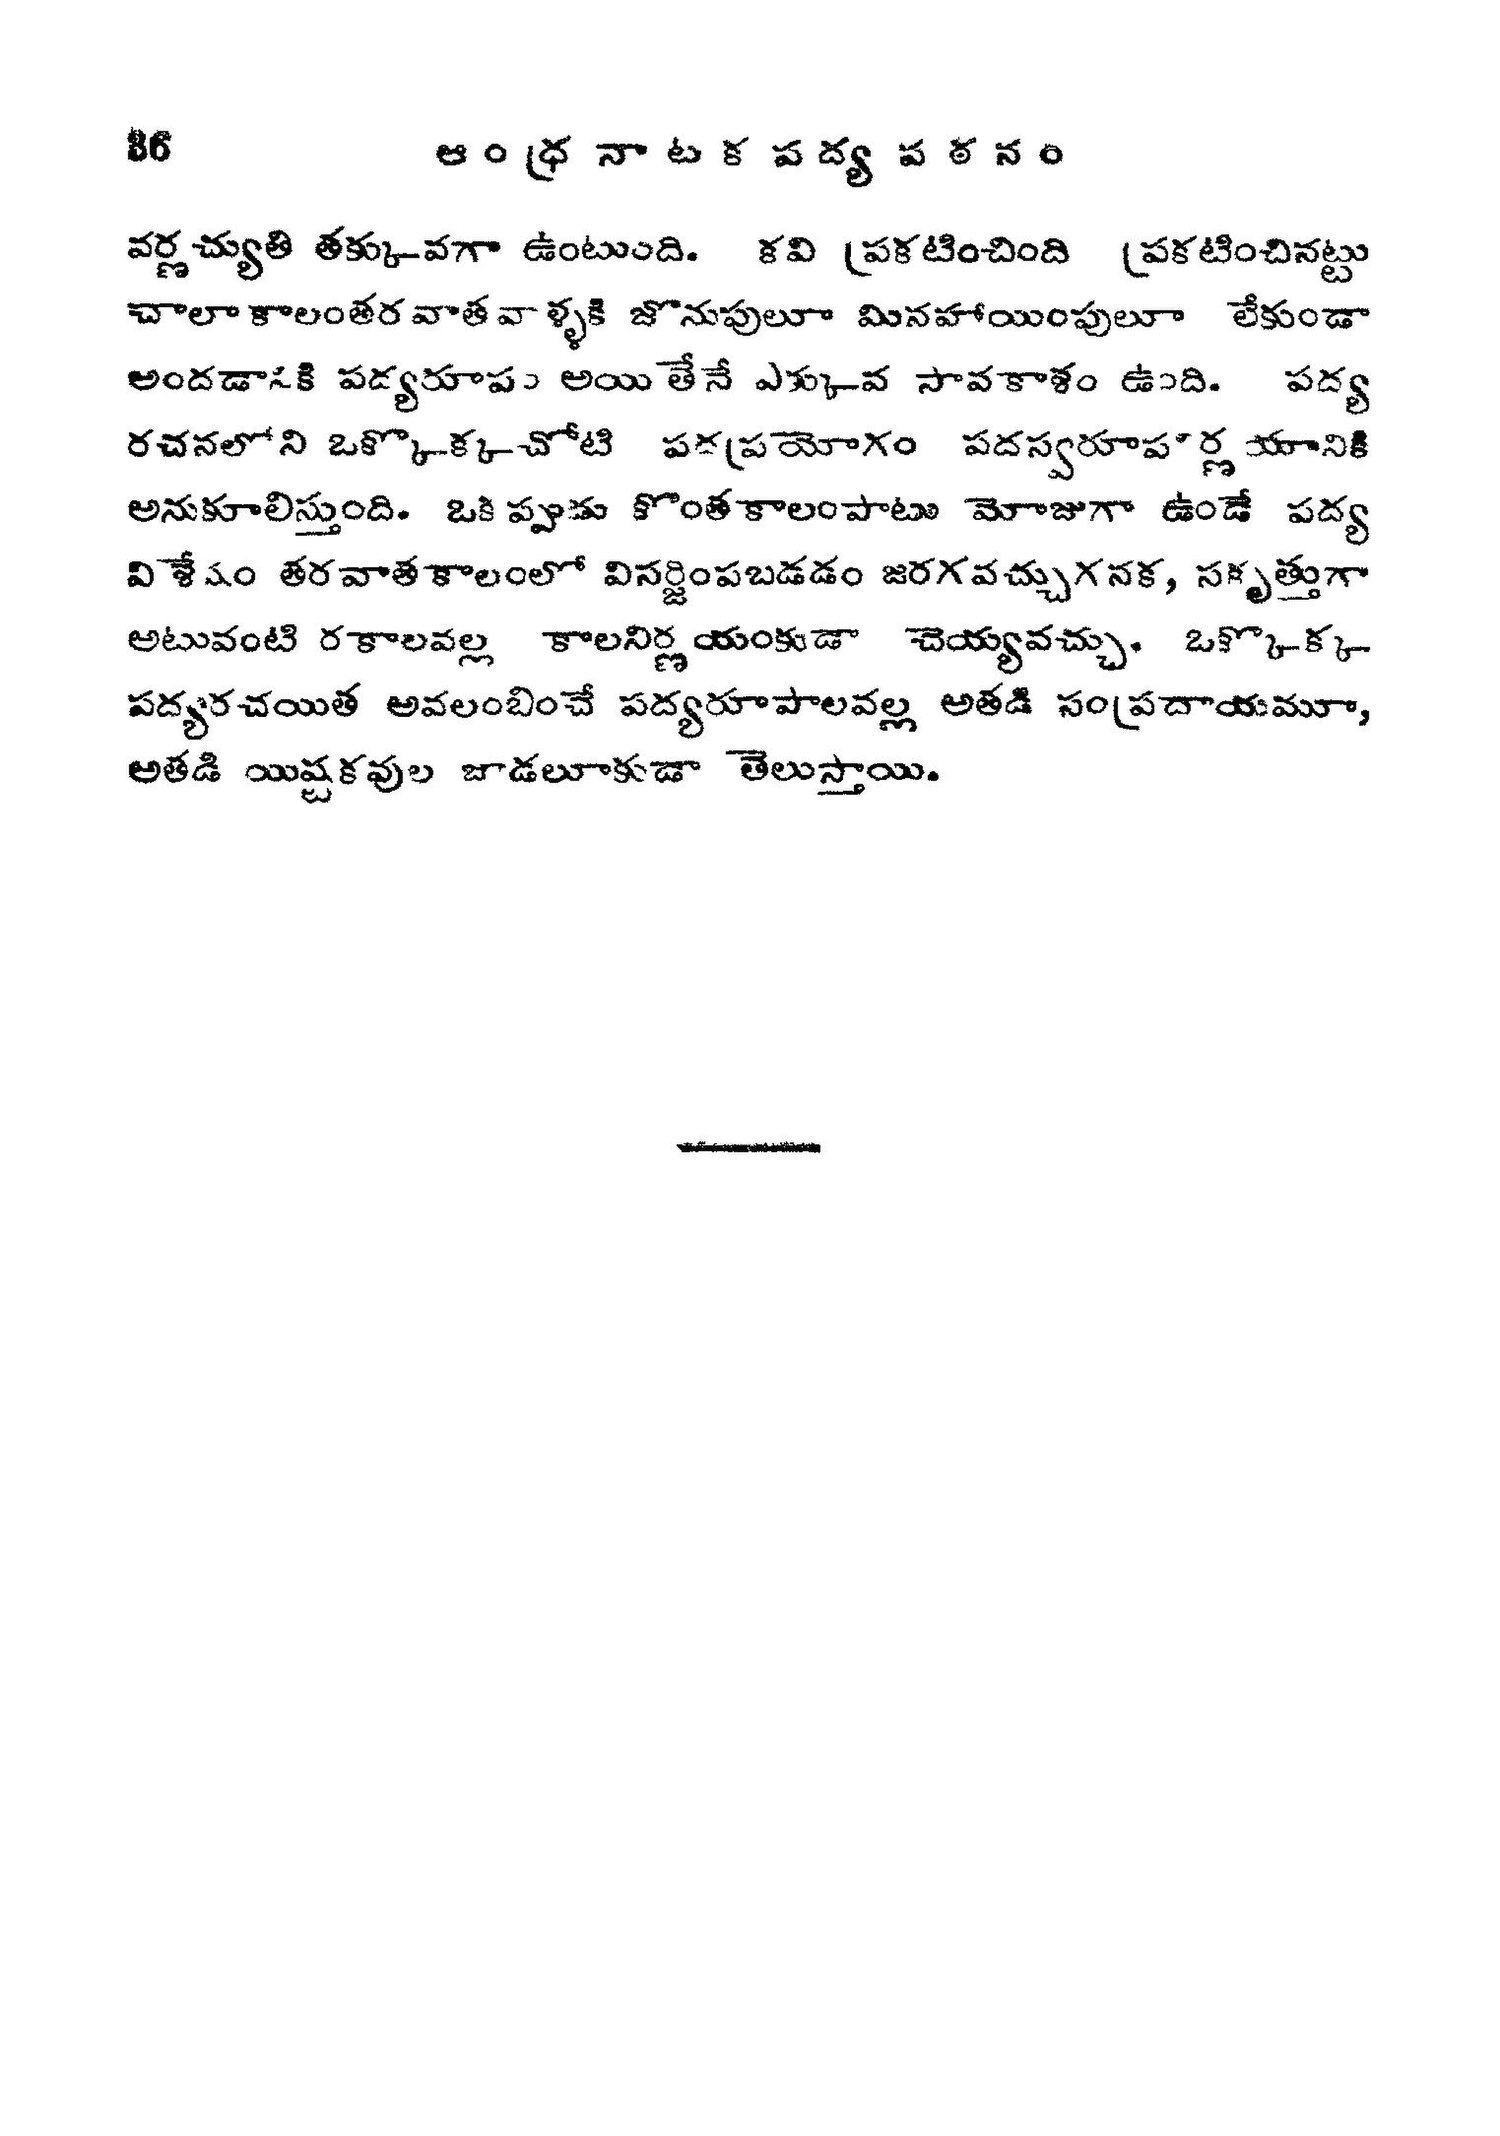వర్ణచ్యుతి తక్కువగా ఉంటుంది. కవి ప్రకటించింది ప్రకటించినట్టు
చాలాకాలంతరవాతవాళ్ళకి జొనుపులూ మినహాయింపులూ లేకుండా
అందడానికి పద్యరూపం అయితేనే ఎక్కువ సావకాశం ఉంది. పద్య
రచనలోని ఒక్కొక్కచోటి పదప్రయోగం పదస్వరూపనిర్ణయానికి
అనుకూలిస్తుంది. ఒకప్పుడు కొంతకాలంపాటు మోజుగా ఉండే పద్య
విశేషం తరవాతకాలంలో విసర్జింపబడడం జరగవచ్చుగనక, సకృత్తుగా
అటువంటి రకాలవల్ల కాలనిర్ణయంకుడా చెయ్యవచ్చు. ఒక్కొక్క
పద్యరచయిత అవలంబించే పద్యరూపాలవల్ల అతడి సంప్రదాయమూ,
అతడి యిష్టకవుల జాడలూకుడా తెలుస్తాయి.